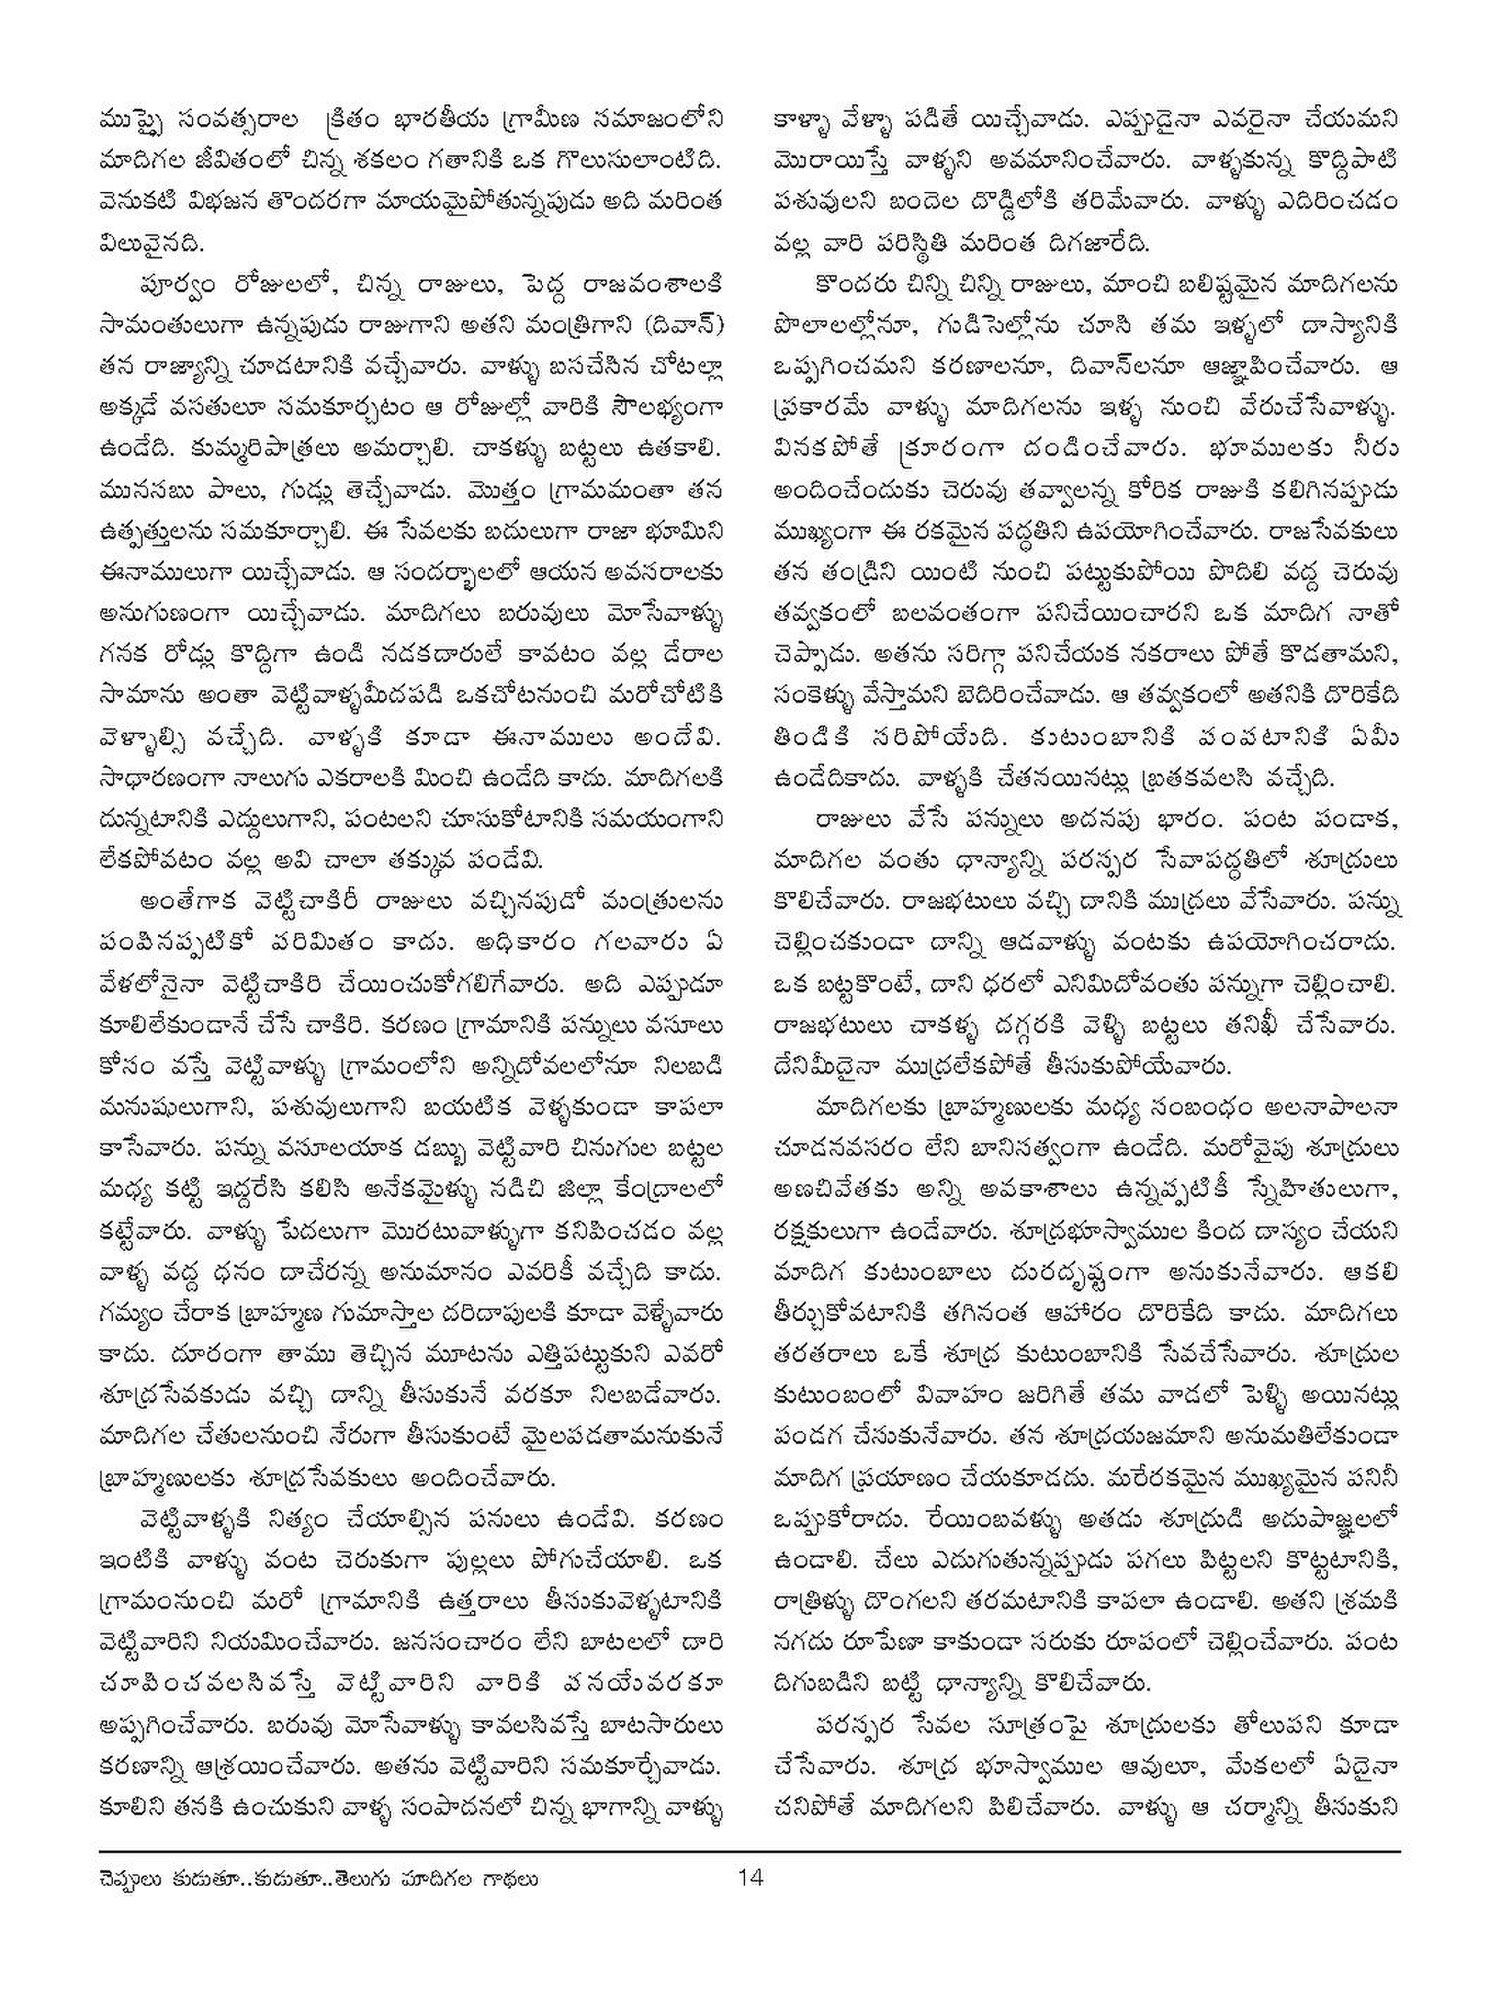ముప్ఫై సంవత్సరాల క్రితం భారతీయ గ్రామీణ సమాజంలోని
మాదిగల జీవితంలో చిన్న శకలం గతానికి ఒక గొలుసులాంటిది.
వెనుకటి విభజన తొందరగా మాయమైపోతున్నపుడు అది మరింత
విలువైనది.

పూర్వం రోజులలో, చిన్న రాజులు, పెద్ద రాజవంశాలకి
సామంతులుగా ఉన్నపుడు రాజుగాని అతని మంత్రిగాని (దివాన్)
తన రాజ్యాన్ని చూడటానికి వచ్చేవారు. వాళ్ళు బసచేసిన చోటల్లా
అక్కడే వసతులూ సమకూర్చటం ఆ రోజుల్లో వారికి సౌలభ్యంగా
ఉండేది. కుమ్మరిపాత్రలు అమర్చాలి. చాకళ్ళు బట్టలు ఉతకాలి.
మునసబు పాలు, గుడ్లు తెచ్చేవాడు. మొత్తం గ్రామమంతా తన
ఉత్పత్తులను సమకూర్చాలి. ఈ సేవలకు బదులుగా రాజా భూమిని
ఈనాములుగా యిచ్చేవాడు. ఆ సందర్భాలలో ఆయన అవసరాలకు
అనుగుణంగా యిచ్చేవాడు. మాదిగలు బరువులు మోసేవాళ్ళు
గనక రోడ్లు కొద్దిగా ఉండి నడకదారులే కావటం వల్ల డేరాల
సామాను అంతా వెట్టివాళ్ళమీదపడి ఒకచోటనుంచి మరోచోటికి
వెళ్ళాల్సి వచ్చేది. వాళ్ళకి కూడా ఈనాములు అందేవి.
సాధారణంగా నాలుగు ఎకరాలకి మించి ఉండేది కాదు. మాదిగలకి
దున్నటానికి ఎద్దులుగాని, పంటలని చూసుకోటానికి సమయంగాని
లేకపోవటం వల్ల అవి చాలా తక్కువ పండేవి.

అంతేగాక వెట్టిచాకిరీ రాజులు వచ్చినపుడో మంత్రులను
పంపినప్పటికో పరిమితం కాదు. అధికారం గలవారు ఏ
వేళలోనైనా వెట్టిచాకిరి చేయించుకోగలిగేవారు. అది ఎప్పుడూ
కూలిలేకుండానే చేసే చాకిరి. కరణం గ్రామానికి పన్నులు వసూలు
కోసం వస్తే వెట్టివాళ్ళు గ్రామంలోని అన్నిదోవలలోనూ నిలబడి
మనుషులుగాని, పశువులుగాని బయటిక వెళ్ళకుండా కాపలా
కాసేవారు. పన్ను వసూలయాక డబ్బు వెట్టివారి చినుగుల బట్టల
మధ్య కట్టి ఇద్దరేసి కలిసి అనేకమైళ్ళు నడిచి జిల్లా కేంద్రాలలో
కట్టేవారు. వాళ్ళు పేదలుగా మొరటువాళ్ళుగా కనిపించడం వల్ల
వాళ్ళ వద్ద ధనం దాచేరన్న అనుమానం ఎవరికీ వచ్చేది కాదు.
గమ్యం చేరాక బ్రాహ్మణ గుమాస్తాల దరిదాపులకి కూడా వెళ్ళేవారు
కాదు. దూరంగా తాము తెచ్చిన మూటను ఎత్తిపట్టుకుని ఎవరో
శూద్ర సేవకుడు వచ్చి దాన్ని తీసుకునే వరకూ నిలబడేవారు.
మాదిగల చేతులనుంచి నేరుగా తీసుకుంటే మైలపడతామనుకునే
బ్రాహ్మణులకు శూద్రసేవకులు అందించేవారు.

వెట్టివాళ్ళకి నిత్యం చేయాల్సిన పనులు ఉండేవి. కరణం
ఇంటికి వాళ్ళు వంట చెరుకుగా పుల్లలు పోగుచేయాలి. ఒక
గ్రామంనుంచి మరో గ్రామానికి ఉత్తరాలు తీసుకువెళ్ళటానికి
వెట్టివారిని నియమించేవారు. జనసంచారం లేని బాటలలో దారి
చూపించవలసివస్తే వెట్టివారిని వారికి వనయేవరకూ
అప్పగించేవారు. బరువు మోసేవాళ్ళు కావలసివస్తే బాటసారులు
కరణాన్ని ఆశ్రయించేవారు. అతను వెట్టివారిని సమకూర్చేవాడు.
కూలిని తనకి ఉంచుకుని వాళ్ళ సంపాదనలో చిన్న భాగాన్ని వాళ్ళు
కాళ్ళా వేళ్ళా పడితే యిచ్చేవాడు. ఎప్పుడైనా ఎవరైనా చేయమని
మొరాయిస్తే వాళ్ళని అవమానించేవారు. వాళ్ళకున్న కొద్దిపాటి
పశువులని బందెల దొడ్డిలోకి తరిమేవారు. వాళ్ళు ఎదిరించడం
వల్ల వారి పరిస్థితి మరింత దిగజారేది.

కొందరు చిన్ని చిన్ని రాజులు, మాంచి బలిష్టమైన మాదిగలను
పొలాలల్లోనూ, గుడిసెల్లోను చూసి తమ ఇళ్ళలో దాస్యానికి
ఒప్పగించమని కరణాలనూ, దివాన్ల నూ ఆజ్ఞాపించేవారు. ఆ
ప్రకారమే వాళ్ళు మాదిగలను ఇళ్ళ నుంచి వేరుచేసేవాళ్ళు.
వినకపోతే క్రూరంగా దండించేవారు. భూములకు నీరు
అందించేందుకు చెరువు తవ్వాలన్న కోరిక రాజుకి కలిగినప్పుడు
ముఖ్యంగా ఈ రకమైన పద్దతిని ఉపయోగించేవారు. రాజసేవకులు
తన తండ్రిని యింటి నుంచి పట్టుకుపోయి పొదిలి వద్ద చెరువు
తవ్వకంలో బలవంతంగా పనిచేయించారని ఒక మాదిగ నాతో
చెప్పాడు. అతను సరిగ్గా పనిచేయక నకరాలు పోతే కొడతామని,
సంకెళ్ళు వేస్తామని బెదిరించేవాడు. ఆ తవ్వకంలో అతనికి దొరికేది
తిండికి సరిపోయేది. కుటుంబానికి పంపటానికి ఏమీ
ఉండేదికాదు. వాళ్ళకి చేతనయినట్లు బ్రతకవలసి వచ్చేది.

రాజులు వేసే పన్నులు అదనపు భారం. పంట పండాక,
మాదిగల వంతు ధాన్యాన్ని పరస్పర సేవాపద్దతిలో శూద్రులు
కొలిచేవారు. రాజభటులు వచ్చి దానికి ముద్రలు వేసేవారు. పన్ను
చెల్లించకుండా దాన్ని ఆడవాళ్ళు వంటకు ఉపయోగించరాదు.
ఒక బట్టకొంటే, దాని ధరలో ఎనిమిదోవంతు పన్నుగా చెల్లించాలి.
రాజభటులు చాకళ్ళ దగ్గరకి వెళ్ళి బట్టలు తనిఖీ చేసేవారు.
దేనిమీదైనా ముద్రలేకపోతే తీసుకుపోయేవారు.

మాదిగలకు బ్రాహ్మణులకు మధ్య సంబంధం అలనాపాలనా
చూడనవసరం లేని బానిసత్వంగా ఉండేది. మరోవైపు శూద్రులు
అణచివేతకు అన్ని అవకాశాలు ఉన్నప్పటికీ స్నేహితులుగా,
రక్షకులుగా ఉండేవారు. శూద్రభూస్వాముల కింద దాస్యం చేయని
మాదిగ కుటుంబాలు దురదృష్టంగా అనుకునేవారు. ఆకలి
తీర్చుకోవటానికి తగినంత ఆహారం దొరికేది కాదు. మాదిగలు
తరతరాలు ఒకే శూద్ర కుటుంబానికి సేవచేసేవారు. శూద్రుల
కుటుంబంలో వివాహం జరిగితే తమ వాడలో పెళ్ళి అయినట్లు
పండగ చేసుకునేవారు. తన శూద్రయజమాని అనుమతిలేకుండా
మాదిగ ప్రయాణం చేయకూడదు. మరేరకమైన ముఖ్యమైన పనినీ
ఒప్పుకోరాదు. రేయింబవళ్ళు అతడు శూద్రుడి అదుపాజ్ఞలలో
ఉండాలి. చేలు ఎదుగుతున్నప్పుడు పగలు పిట్టలని కొట్టటానికి,
రాత్రిళ్ళు దొంగలని తరమటానికి కాపలా ఉండాలి. అతని శ్రమకి
నగదు రూపేణా కాకుండా సరుకు రూపంలో చెల్లించేవారు. పంట
దిగుబడిని బట్టి ధాన్యాన్ని కొలిచేవారు.

పరస్పర సేవల సూత్రంపై శూద్రులకు తోలుపని కూడా
చేసేవారు. శూద్ర భూస్వాముల ఆవులూ, మేకలలో ఏదైనా
చనిపోతే మాదిగలని పిలిచేవారు. వాళ్ళు ఆ చర్మాన్ని తీసుకుని